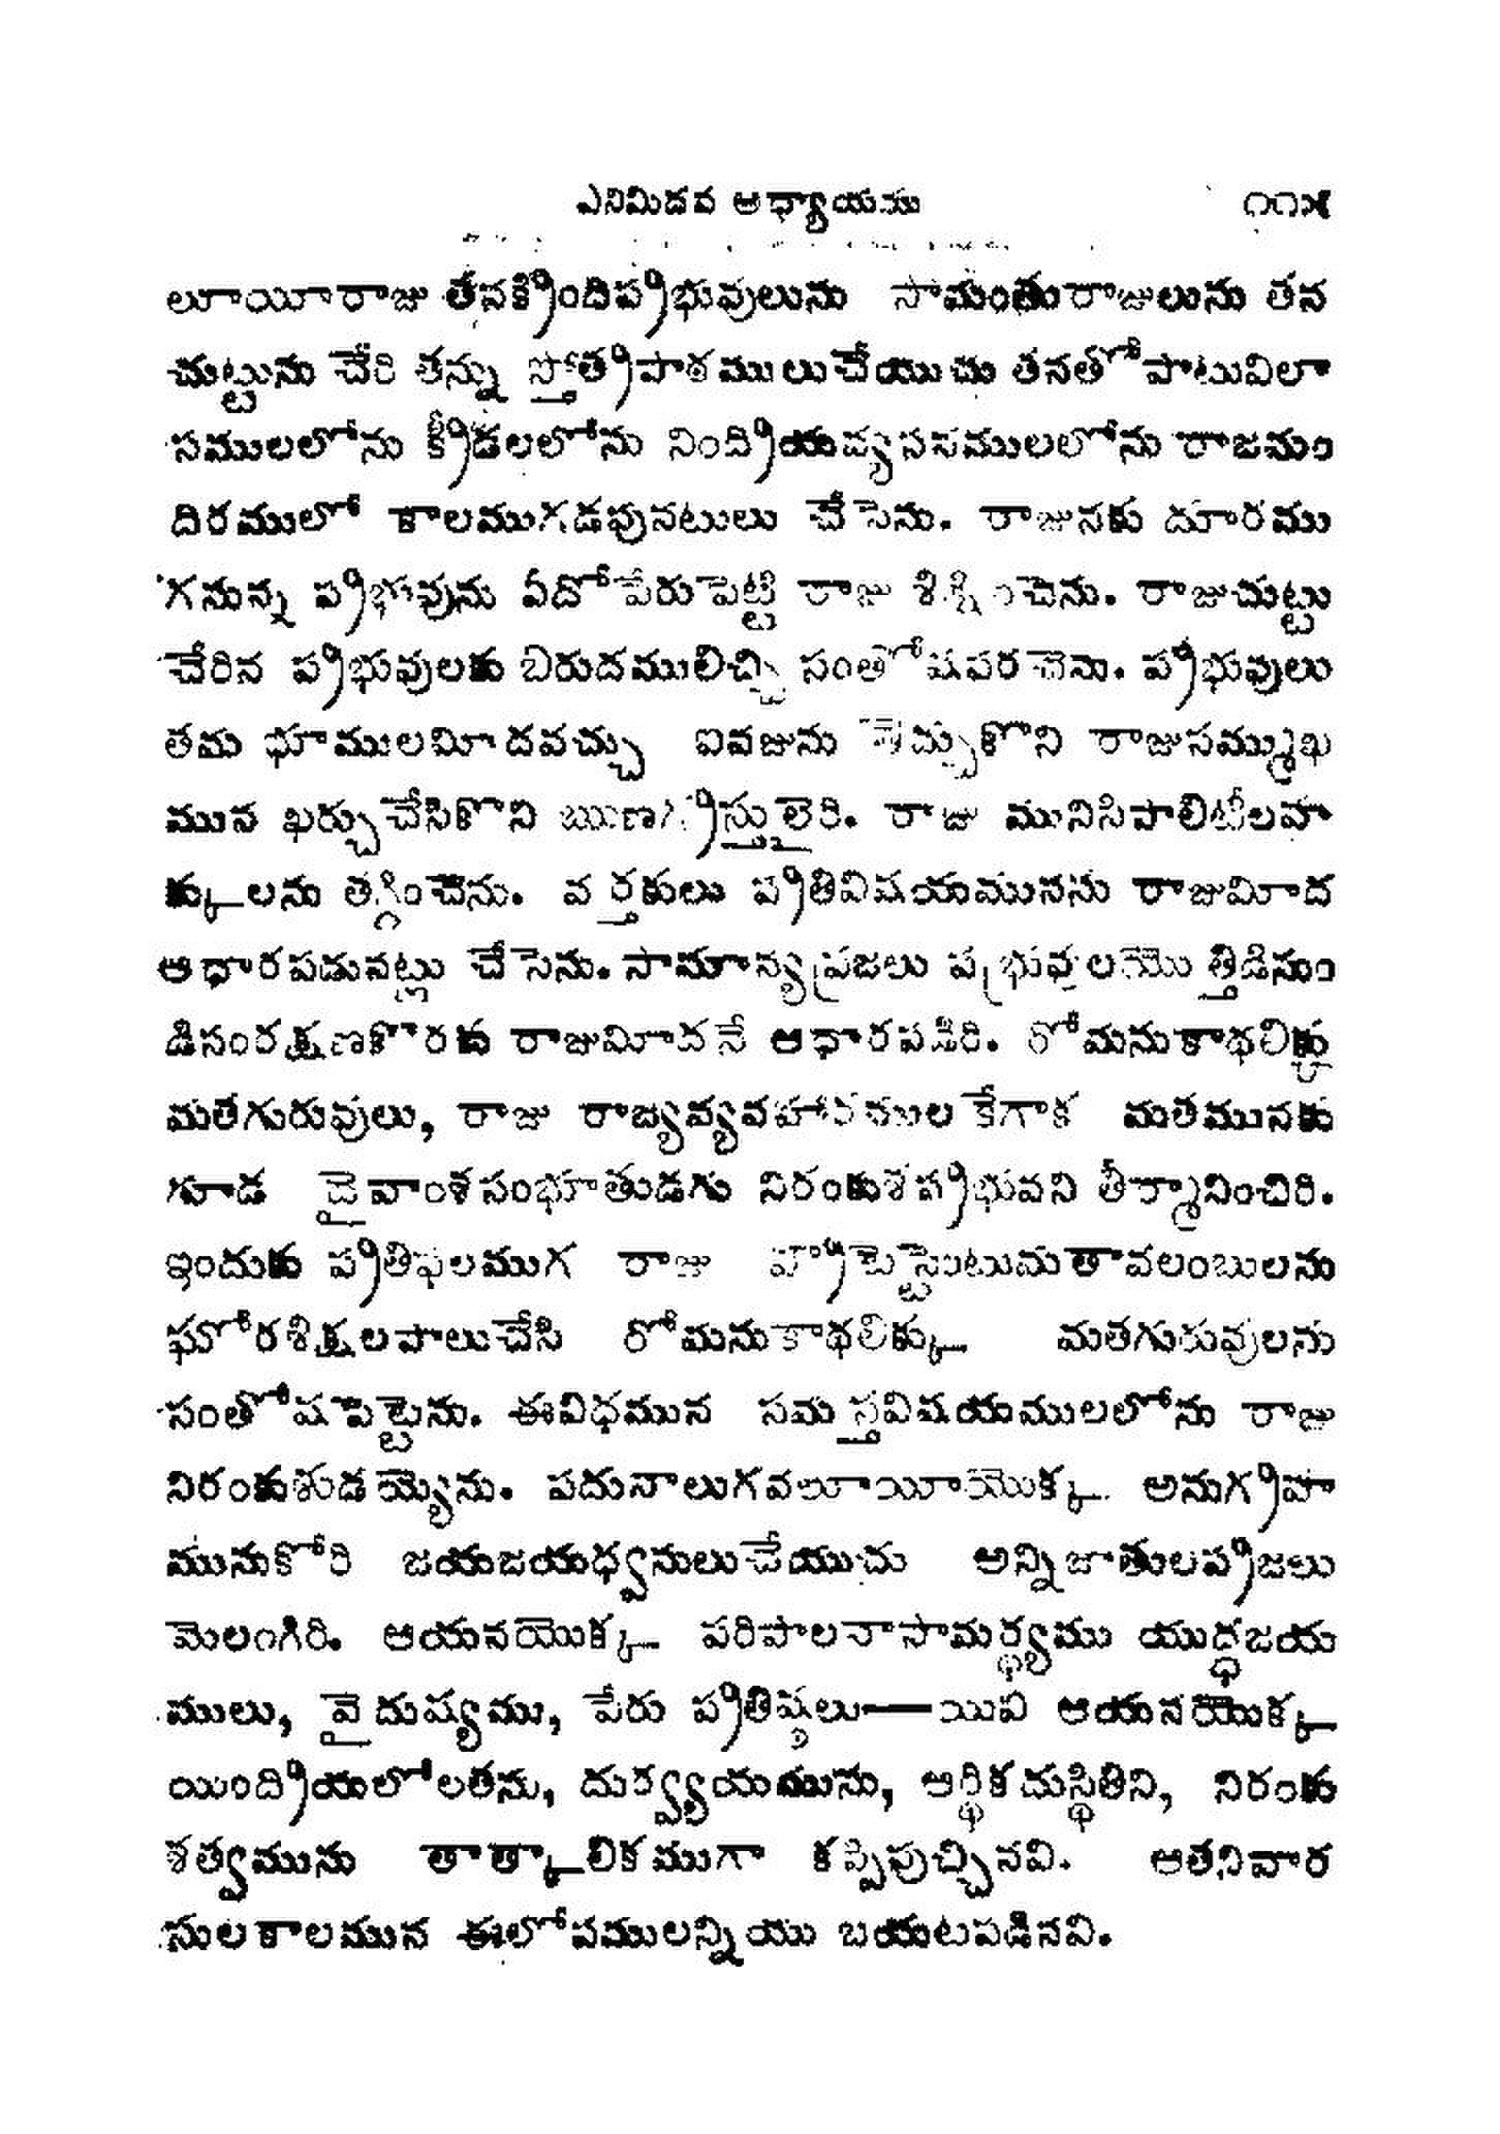లూయీరాజు తనక్రింది ప్రభువులుసు సామంతు రాజులును తన
చుట్టును చేరి తన్ను స్తోత్ర పాఠములు చేయుచు తనతో పాటు విలా
సములలోను కీడలలోను నింద్రియ వ్యవసముల లోను రాజమం
దిరములో కాలము గడవునటులు చేసెను. రాజునకు దూరము
గసున్న పలువును ఏదో పేరు పెట్టి రాజు శిక్షించెను. రాజు చుట్టు
చేరిన ప్రభువులకు బిరుదములిచ్చి సంతోషపర చెమె. ప్రభువులు
తమ భూములమీదవచ్చు. ఐవజును "చ్చుకొని రాజు సమ్ముఖ
మున ఖర్చు చేసికొని ఋణ స్తులైరి. రాజు మునిసిపాలిటీల హ
క్కులను తగ్గించెను. వర్తకులు ప్రతివిషయమునను రాజు మీద
ఆధారపడునట్లు చేసెను. సామాన్య ప్రజలు ప్రభువుల మొ త్తిడిసుం
డి సంరక్షణకొరకు రాజు మీదనే ఆధారపడిరి. రోమను కాథలిక్కు
మతగురువులు, రాజు రాజ్య వ్యవహారముల కేగాక మతమునకు
గూడ దైవాంశ సంభూతుడగు నిరంకుశ ప్రభువని తీర్మానించిరి.
ఇందుకు ప్రతిఫలముగ రాజు ప్రొటెస్టెటు మతావలంబులను
ఘోరశిక్షలపాలు చేసి రోమను కాథలిక్కు మతగురువులను
సంతోష పెట్టెను. ఈ విధమున సమస్త విషయములలోను రాజు
నిరంకుశు డయ్యెను. పదునాలుగవ లూయీ యొక్క.అనుగ్రహ
ముసుకోరి జయజయధ్వనులు చేయుచు అన్ని జాతుల ప్రజలు
మెలఁగిరి ఆయన యొక్క పరిపాలనా సామర్ధ్యము యుద్ధజయ
ములు, వైదుష్యము, పేరు ప్రతిష్టలు—యివి ఆయన యొక్క
యింద్రియ లోలతను, దుర్వ్యయముసు, ఆర్థిక దుస్థితిని, నిరంకు
శత్వమును తాత్కాలికముగా కప్పిపుచ్చినవి. అతని వార
సుల కాలమున ఈ లోపములన్నియు బయటపడి సవి.